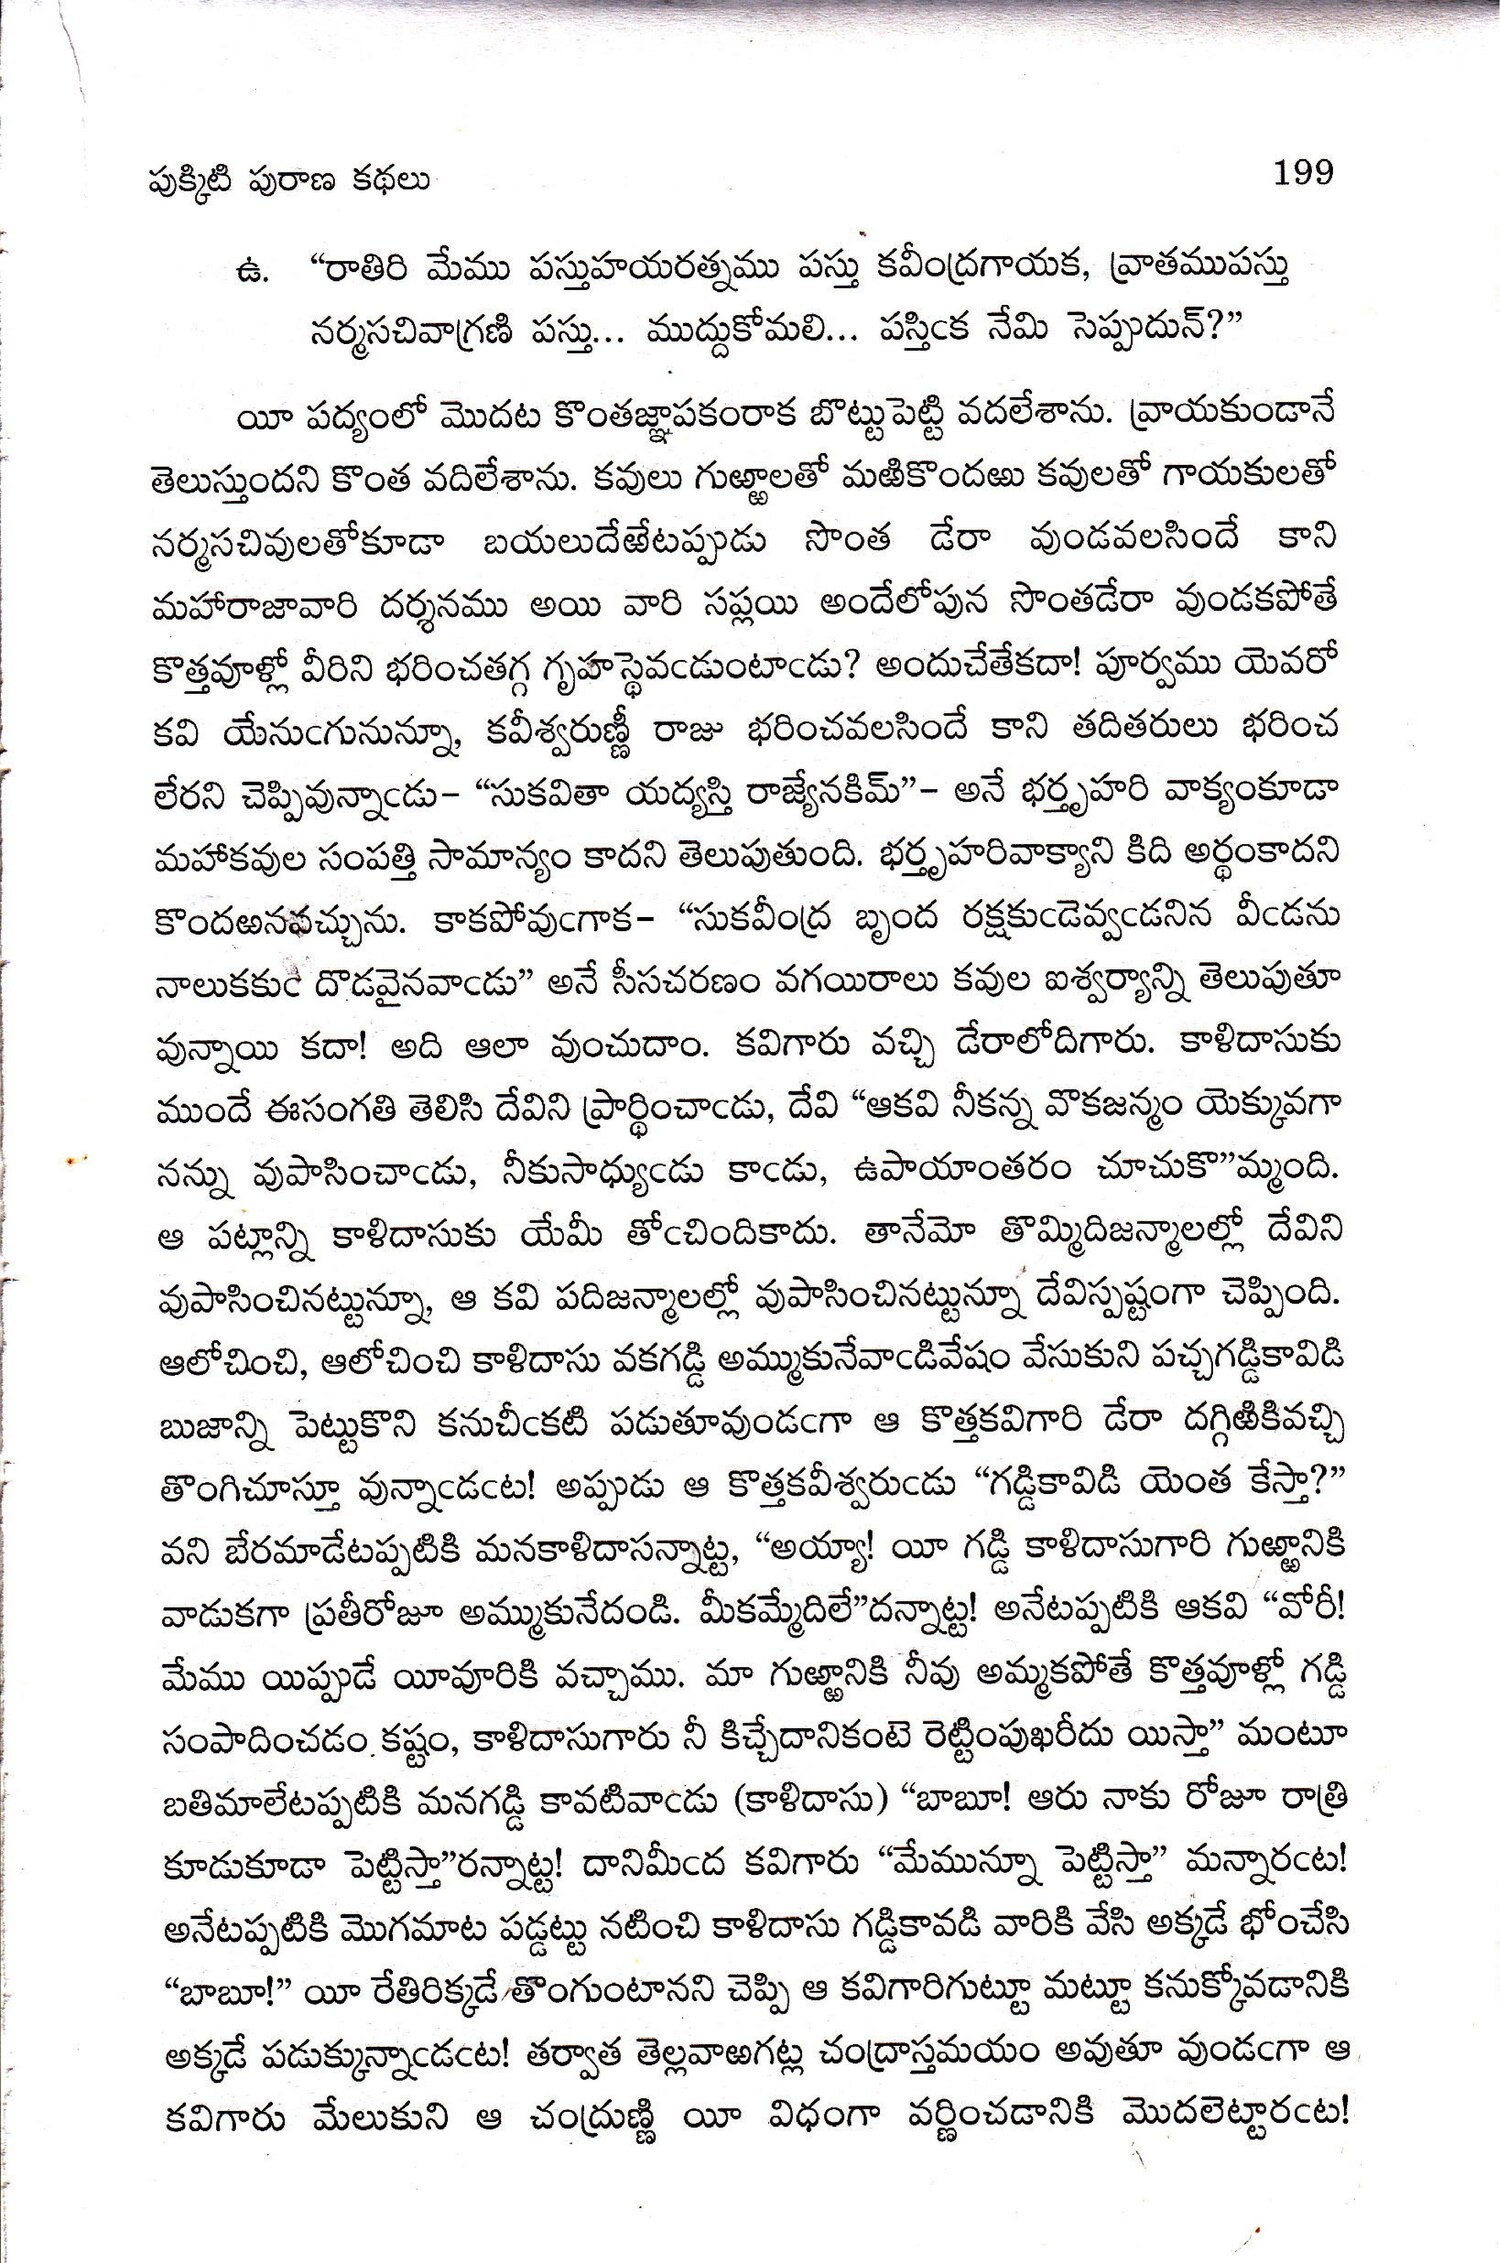ఉ. "రాతిరి మేము పస్తుహయరత్నము పస్తు కవీంద్రగాయక, వ్రాతముపస్తు
 నర్మసచివాగ్రణి పస్తు.... ముద్దుకోమలి..... పస్తిఁక నేమి సెప్పదున్?”
యీ పద్యంలో మొదట కొంతజ్ఞాపకంరాక బొట్టుపెట్టి వదలేశాను. వ్రాయకుండానే తెలుస్తుందని కొంత వదిలేశాను. కవులు గుఱ్ఱాలతో మఱికొందఱు కవులతో గాయకులతో నర్మసచివులతోకూడా బయలుదేఱేటప్పుడు సొంత డేరా వుండవలసిందే కాని మహారాజావారి దర్శనము అయి వారి సప్లయి అందేలోపున సొంతడేరా వుండకపోతే కొత్తవూళ్లో వీరిని భరించతగ్గ గృహస్థెవఁడుంటాఁడు? అందుచేతేకదా! పూర్వము యెవరో కవి యేనుఁగునున్నూ కవీశ్వరుణ్ణీ రాజు భరించవలసిందే కాని తదితరులు భరించ లేరని చెప్పివున్నాఁడు- "సుకవితా యద్యస్తి రాజ్యేనకిమ్"- అనే భర్తృహరి వాక్యంకూడా మహాకవుల సంపత్తి సామాన్యం కాదని తెలుపుతుంది, భర్తృహరివాక్యాని కిది అర్థంకాదని కొందఱనవచ్చును. కాకపోవుఁగాక- “సుకవీంద్ర బృంద రక్షకుఁడెవ్వఁడనిన వీఁడను నాలుకకుఁ దొడవైనవాఁడు" అనే సీసచరణం వగయిరాలు కవుల ఐశ్వర్యాన్ని తెలుపుతూ వున్నాయి కదా! అది ఆలా వుంచుదాం. కవిగారు వచ్చి డేరాలోదిగారు. కాళిదాసుకు ముందే ఈసంగతి తెలిసి దేవిని ప్రార్థించాఁడు, దేవి “ఆకవి నీకన్న వొకజన్మం యెక్కువగా నన్ను వుపాసించాcడు, నీకుసాధ్యుఁడు కాఁడు, ఉపాయాంతరం చూచుకొ"మ్మంది. ఆ పట్లాన్ని కాళిదాసుకు యేమీ తోఁచిందికాదు. తానేమో తొమ్మిదిజన్మాలల్లో దేవిని వుపాసించినట్టున్నూ ఆ కవి పదిజన్మాలల్లో వుపాసించినట్టున్నూ దేవిస్పష్టంగా చెప్పింది. ఆలోచించి, ఆలోచించి కాళిదాసు వకగడ్డి అమ్మకునేవాఁడివేషం వేసుకుని పచ్చగడ్డికావిడి బుజాన్ని పెట్టుకొని కనుచీఁకటి పడుతూవుండఁగా ఆ కొత్తకవిగారి డేరా దగ్గిఱికివచ్చి తొంగిచూస్తూ వున్నాఁడఁట! అప్పుడు ఆ కొత్తకవీశ్వరుఁడు "గడ్డికావిడి యెంత కేస్తా?” వని బేరమాడేటప్పటికి మనకాళిదాసన్నాట్ట, "అయ్యా! యీ గడ్డి కాళిదాసుగారి గుఱ్ఱానికి వాడుకగా ప్రతీరోజూ అమ్మకునేదండి. మీకమ్మేదిలే"దన్నాట్ట! అనేటప్పటికి ఆకవి “వోరీ! మేము యిప్పడే యీవూరికి వచ్చాము. మా గుఱ్ఱానికి నీవు అమ్మకపోతే కొత్తవూల్లో గడ్డి సంపాదించడం కష్టం, కాళిదాసుగారు నీ కిచ్చేదానికంటె రెట్టింపుఖరీదు యిస్తా" మంటూ బతిమాలేటప్పటికి మనగడ్డి కావటివాఁడు (కాళిదాసు) "బాబూ! ఆరు నాకు రోజూ రాత్రి కూడుకూడా పెట్టిస్తా"రన్నాట్ట! దానిమీఁద కవిగారు "మేమున్నూ పెట్టిస్తా" మన్నారఁట! అనేటప్పటికి మొగమాట పడ్డట్టు నటించి కాళిదాసు గడ్డికావడి వారికి వేసి అక్కడే భోంచేసి “బూబూ!” యీ రేతిరిక్కడే తొంగుంటానని చెప్పి ఆ కవిగారిగుట్టూ మట్టూ కనుక్కోవడానికి అక్కడే పడుక్కున్నాఁడఁట! తర్వాత తెల్లవాఱగట్ల చంద్రాస్తమయం అవుతూ వుండంగా ఆ కవిగారు మేలుకుని ఆ చంద్రుణ్ణి యీ విధంగా వర్ణించడానికి మొదలెట్టారఁట!